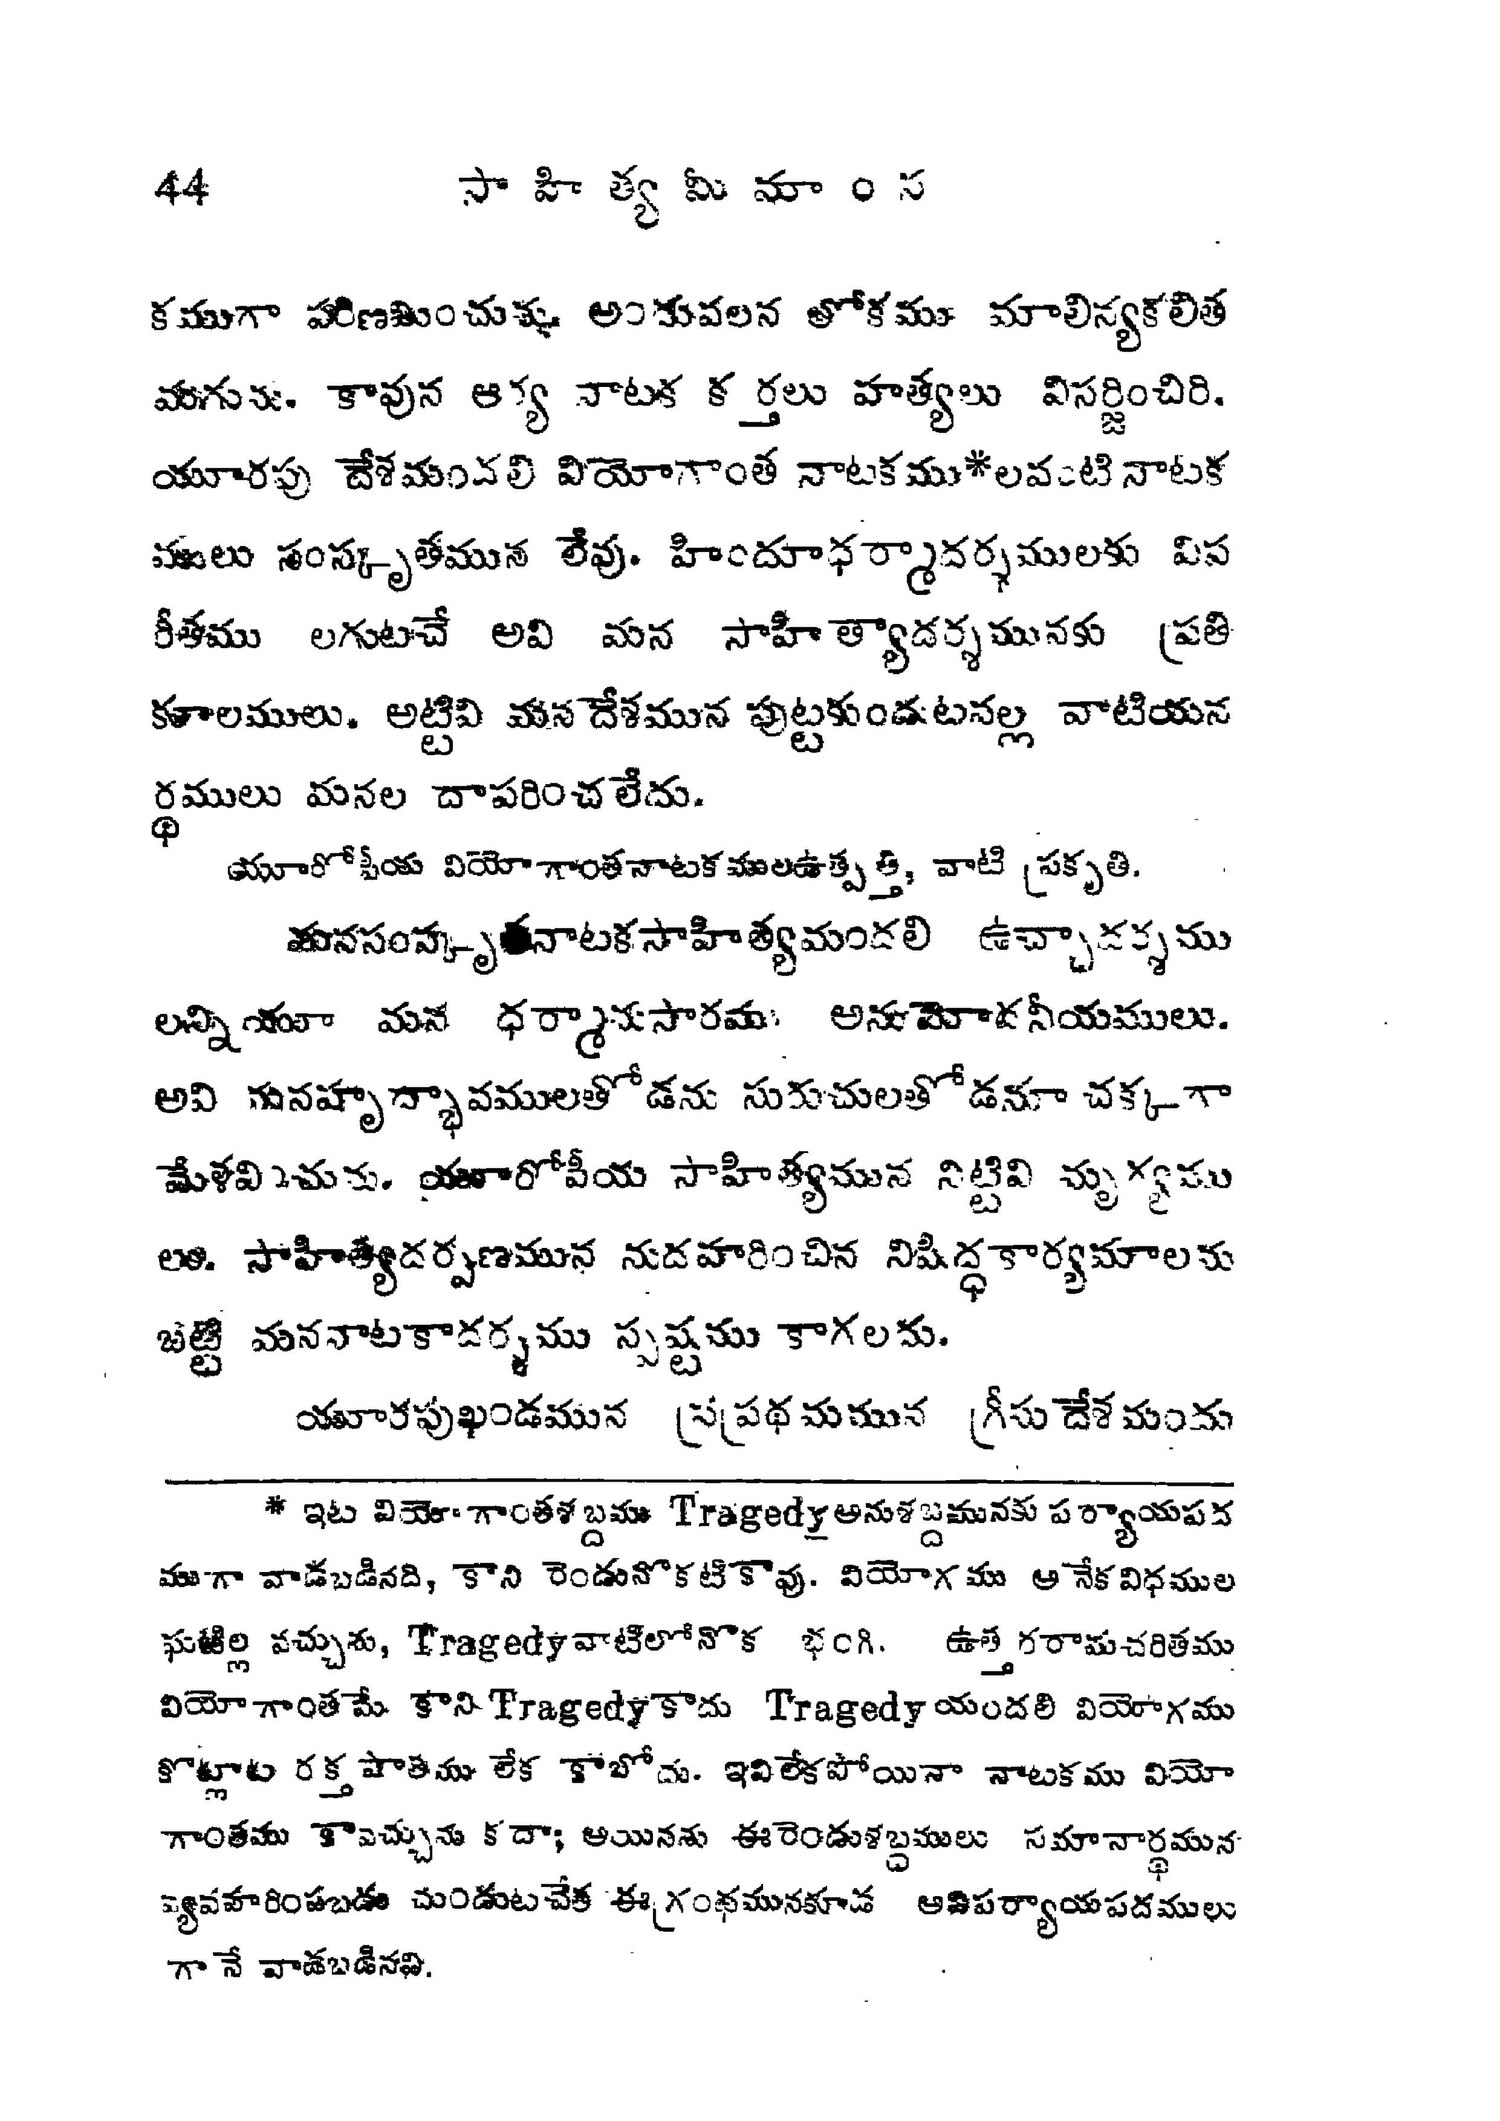కముగా పరిణమించును. అందువలన లోకము మాలిన్యకలితమగును. కావున ఆర్య నాటక కర్తలు హత్యలు విసర్జించిరి. యూరపు దేశమందలి వియోగాంత నాటకము*లవంటినాటకములు సంస్కృతమున లేవు. హిందూధర్మాదర్శములకు విపరీతము లగుటచే అవి మన సాహిత్యాదర్శములకు ప్రతికూలములు. అట్టివి మనదేశమున పుట్టుకుండుటవల్ల వాటియనర్థములు మనల దాపరించలేదు.

మనసంస్కృతనాటకసాహిత్యమందలి ఉచ్చాదర్శము లన్నియూ మన ధర్మానుసారము అనుమోదనీయములు. అవి మనహృద్భావములతోడను సురుచులతోడనూ చక్కగా మేళవించును. యూరోపీయ సాహిత్యమున నిట్టివి మృగ్యములు. సాహిత్యదర్పణమున నుదహరించిన నిషిద్ధకార్యమాలను బట్టి మననాటకాదర్శము స్పష్టము కాగలదు.

యూరపుఖండమున ప్రప్రథమమున గ్రీసుదేశమందు